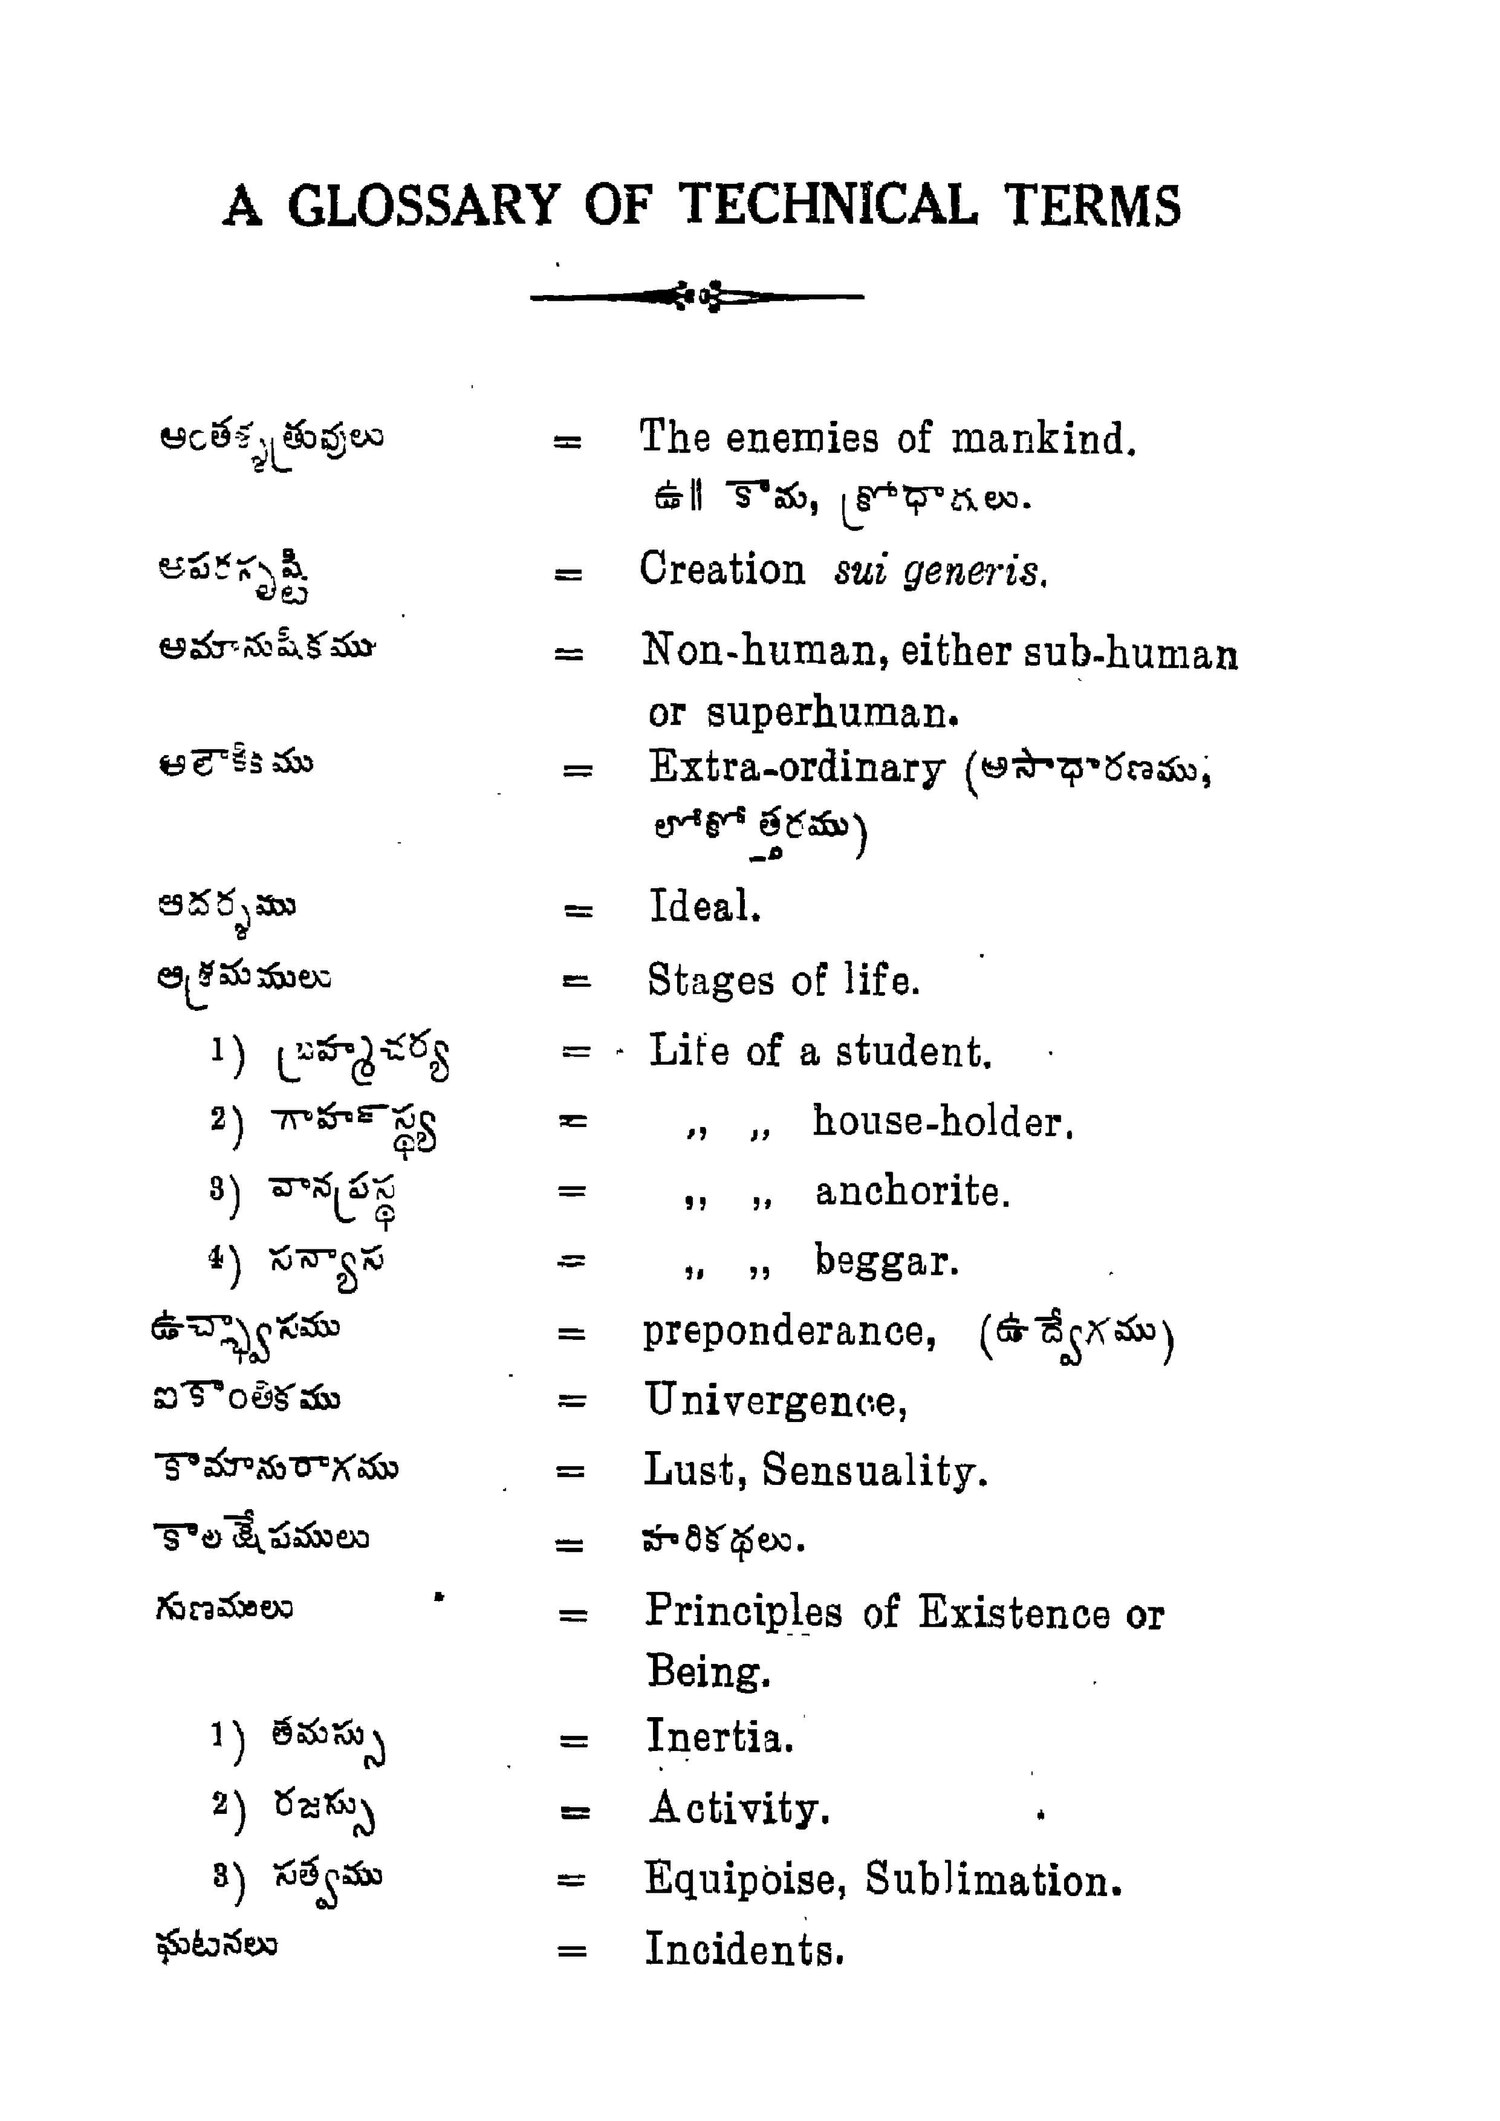అంతశ్శత్రువులు The enemies of mankind. - ఉ. కామ, క్రోధాదులు. అపరసృష్టి creation sui generis అమానుషీకము Non-human, either sub-human or superhuman. అలౌకికము Extra-ordinary (అసాధారణము, లోకోత్తరము) ఆదర్శము Ideal. ఆశ్రమములు Stages of Life 1. బ్రహ్మచర్య Life of a student 2. గాహన్‌స్థ్య Life of house-holder. 3. వానప్రస్థ Life of anchorite. 4. సన్యాస Life of beggar. ఉచ్ఛ్వాసము preponderance, (ఉద్వేగము) ఐకాంతికము Univergence, కామానురాగము Lust, sensuality. కాలక్షేపములు హరికథలు. గుణములు Principles of Exitence or Being. 1. తపస్సు Inertia 2. రజస్సు Activity. 3. సత్వము Equipoise, Sublimation. ఘటనలు Incidents.